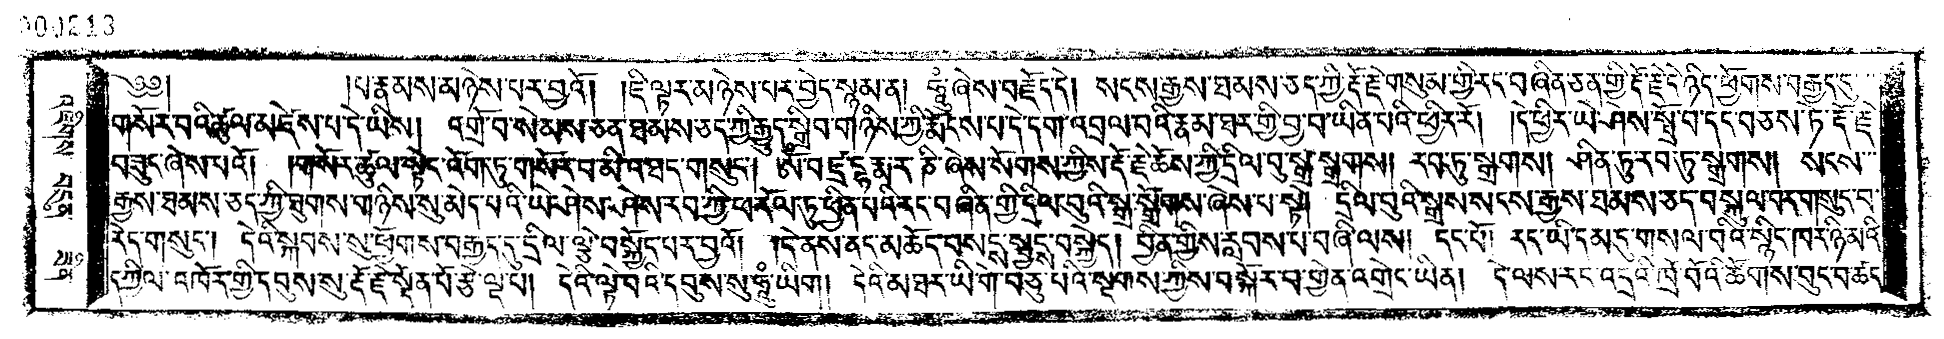༄༅། །པ་རྣམས་མཉེས་པར་བྱའོ། །ཇི་ལྟར་མཉེས་པར་བྱེད་སྙམ་ན། ཧཱུཾ་ཞེས་བརྗོད་དེ། སངས་རྒྱས་ཐམས་ཅད་ཀྱི་རྡོ་རྗེ་གསུམ་གྱི་རང་བཞིན་ཅན་གྱི་རྡོ་རྗེ་དེ་ཉིད་ཕྱོགས་བརྒྱད་དུ་
གསོར་བའི་ཚུལ་མཛེས་པ་དེ་ཡིས། འགྲོ་བ་སེམས་ཅན་ཐམས་ཅད་ཀྱི་རྒྱུད་སྒྲིབ་གཉིས་ཀྱི་རྨོངས་པ་དེ་དག་འབྲལ་བའི་རྣམ་ཐར་གྱི་བྱ་བ་ཡིན་པའི་ཕྱིར་རོ། །དེ་ཕྱིར་ཡེ་ཤེས་སྤྲོ་བ་དང་བཅས་ཏེ་རྡོ་རྗེ་
བཟུང་ཞེས་པའོ། །གསོར་ཚུལ་སྟེང་འོག་ཏུ་གསོར་བ་མི་འཐད་གསུང་། ཨོཾ་བཛྲ་དྷརྨ་ར་ཎི་ཞེས་སོགས་ཀྱིས་རྡོ་རྗེ་ཆོས་ཀྱི་དྲིལ་བུ་སྒྲ་སྒྲགས། རབ་ཏུ་སྒྲགས། ཤིན་ཏུ་རབ་ཏུ་སྒྲགས། སངས་
རྒྱས་ཐམས་ཅད་ཀྱི་ཐུགས་གཉིས་སུ་མེད་པའི་ཡེ་ཤེས་ཤེས་རབ་ཀྱི་ཕ་རོལ་ཏུ་ཕྱིན་པའི་རང་བཞིན་གྱི་དྲིལ་བུའི་སྒྲ་སྒྲོགས་ཞེས་པ་སྟེ། དྲིལ་བུའི་སྒྲས་སངས་རྒྱས་ཐམས་ཅད་བསྐུལ་བར་གསུང་བ་
རེད་གསུང་། དེའི་སྐབས་སུ་ཕྱོགས་བརྒྱད་དུ་དྲིལ་ལྕེ་བསྐྱོད་པར་བྱའོ། །དེ་ནས་ནང་མཆོད་བསངས་སྦྱངས་བསྐྱེད། བྱིན་གྱིས་རླབས་པ་བཞི་ལས། དང་པོ། རང་ཡི་དམ་དུ་གསལ་བའི་སྙིང་ཁར་ཉི་མའི་
དཀྱིལ་འཁོར་གྱི་དབུས་སུ་རྡོ་རྗེ་སྔོན་པོ་རྩེ་ལྔ་པ། དེའི་ལྟེ་བའི་དབུས་སུ་ཧཱུཾ་ཡིག །དེའི་མཐར་ཡི་གེ་བཅུ་པའི་སྔགས་ཀྱིས་བསྐོར་བ་གྱེན་འགྲེང་ཡིན། དེ་ལས་རང་འདྲའི་ཁྲོ་བོའི་ཚོགས་བུང་བ་ཚང་